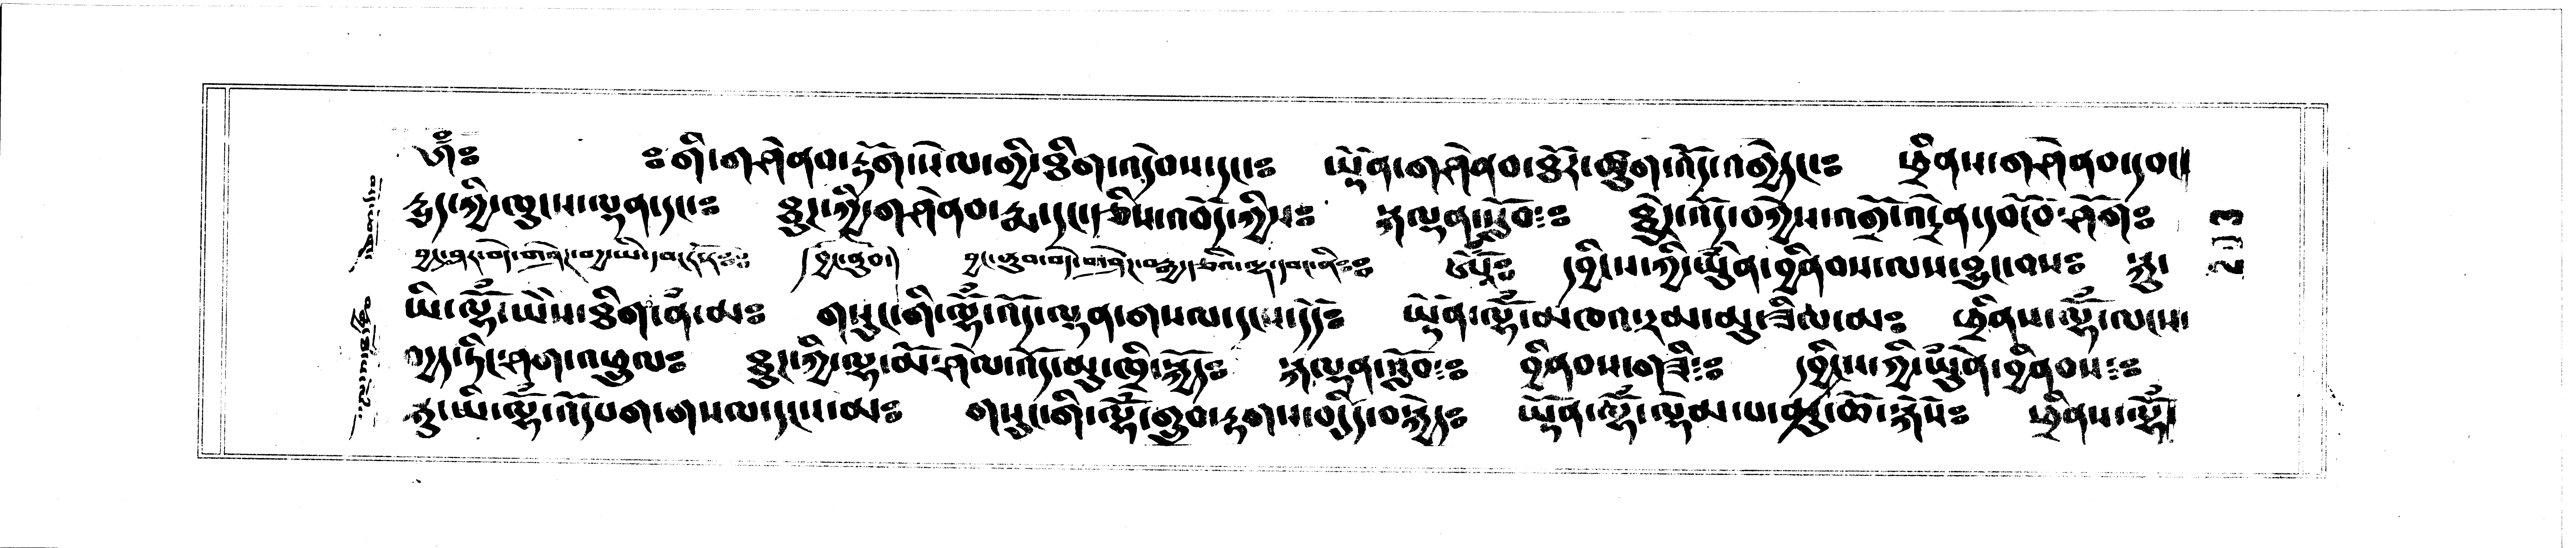གི་གཤེན་རབ་རྟོག་སེལ་ཐིག་འདེབས་དངཿ ཡོན་ཏན་གྱི་གཤེན་རབ་ཐོར་ཙུག་འོད་འགྱེད་དངཿ ཕྲིན་ལས་ཀྱི་གཤེན་རབ་དབང་
རྒྱུད་ཁུངས་ལྡན་དངཿ ཐུགས་ཀྱི་གཤེན་རབ་རྨ་དང་རྩིས་འབོད་ཀྱིསཿ སྐལ་ལྡན་སློབ་མ་རྣམས་ལ་དབང་བསྐུར་བསཿ ཐུགས་རྗེ་འོད་བཀྱེས་འགྲོ་འདྲེན་དབང་ཐོབ་ཤོགཿ
 བྱང་ཤར་བདེར་གཤེགས་བརྒྱ་ཡི་དབང་བསྐུར་རོཿ ༼བྱང་ནུབ༽བྱང་ནུབ་བདེར་གཤེགས་བརྒྱ་ཡི་རྩ་དབང་ནིཿ ཨཱོྃཿ དབྱིངས་ཀྱི་ཡུམ་ཆེན་བྱིན་རླབས་ལས་བྱུང་བཿ སྐུ་
ཡི་ལྷ་མོ་ཡེ་ཤེས་ཐིག་ནམ་མཿ གསུང་གི་ལྷ་མོ་འོད་ལྡན་གསལ་དང་དོདཿ ཡོན་ཏན་ལྷ་མོ་མཁའ་ནམ་མུ་ཟིལ་མཿ ཕྲིན་ལས་ལྷ་མོ་ལང་
བརྒྱད་ཏིང་ཤག་འཕྲུལཿ ཐུགས་ཀྱི་ལྷ་མོ་ཤེལ་འོད་མུ་ཁྲི་བསྐྱོདཿ སྐལ་ལྡན་སློབ་མ་རྣམས་ལ་དབང་བསྐུར་བསཿ བྱིན་རླབས་གཟི་བརྗིད་འགྲོ་འདྲེན་དབང་ཐོབ་ཤོགཿདབྱིངས་ཀྱི་ཡུམ་ཆེན་བྱིན་རླབས་ལས་བྱུང་བཿ 
སྐུ་ཡི་ལྷ་མོ་འོད་དཔག་གསལ་དང་མཿ གསུང་གི་ལྷ་མོ་གྲུབ་རྟགས་བདུད་རྩི་བསྐྱེདཿ ཡོན་ཏན་གྱི་ལྷ་མོ་ལྡེམ་པ་མུ་ཆོ་སྐོསཿ ཕྲིན་ལས་ལྷ་མོ་